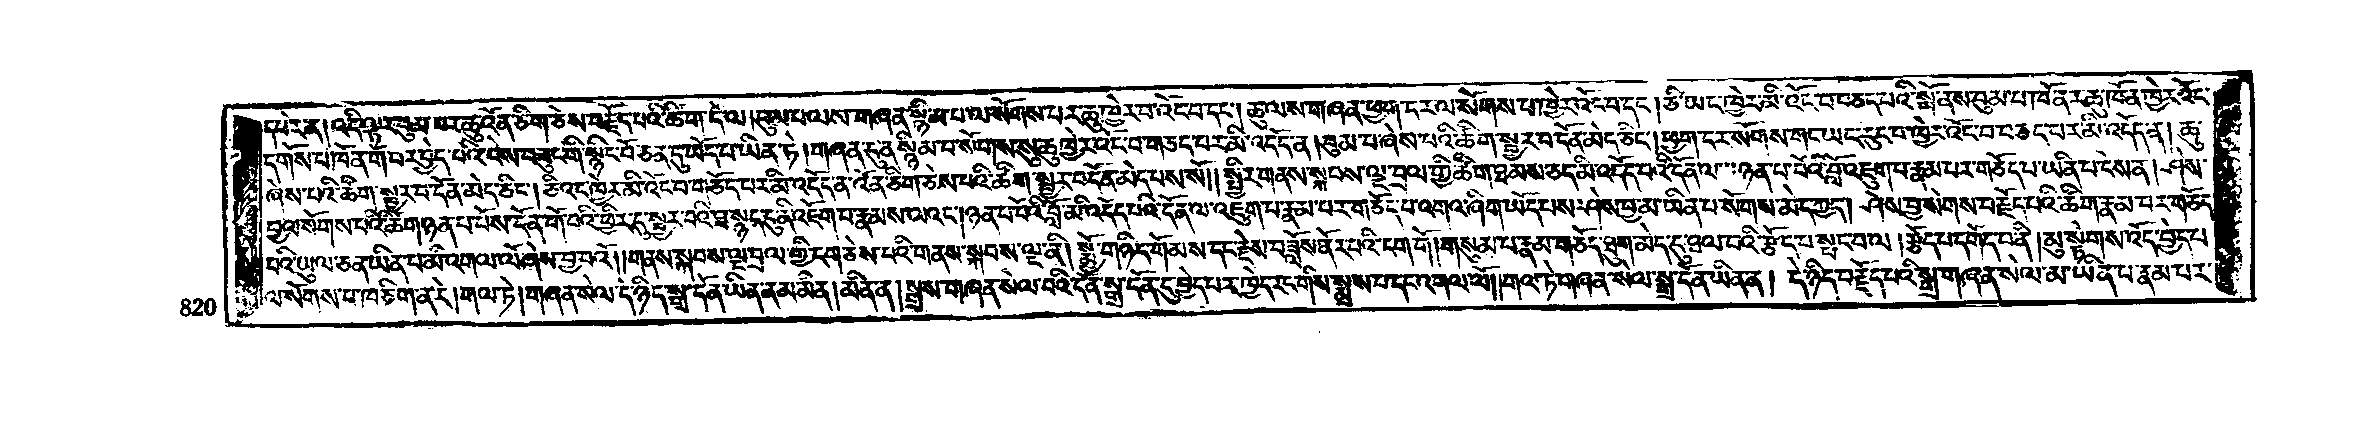དཔེར་ན། འདི་ལྟར་བུམ་པར་ཆུ་འོན་ཅིག་ཅེས་བརྗོད་པའི་ཚིག་དེ་ལ། བུམ་པ་ལས་གཞན་སྙིམ་པ་ལ་སོགས་པར་ཆུ་ཁྱེར་བ་འོང་བ་དང་། ཆུ་ལས་གཞན་ཕྱག་དར་ལ་སོགས་པ་ཁྱེར་འོང་བ་དང་། ཅི་ཡང་ཁྱེར་མི་འོང་བ་བཅད་པའི་སྒོ་ནས་བུམ་པ་ཁོ་ནར་ཆུ་ཁོ་ན་ཁྱེར་འོང་
དགོས་པ་ཁོ་ན་གོ་བར་བྱེད་པའི་ངེས་བཞུང་གི་སྙིང་པོ་ཅན་དུ་ཡོད་པཡིན་ཏེ། གཞན་དུ་ན་སྙིམ་པ་སོགས་སུ་ཆུ་ཁྱེར་འོང་བ་གཅད་པར་མི་འདོད་ན། བུམ་པ་ཞེས་པའི་ཚིག་སྦྱར་བ་དོན་མེད་ཅིང་། ཕྱག་དར་སོགས་གང་ཡང་རུང་བ་ཁྱེར་འོང་བ་བཅད་པར་མི་འདོད་ན། ཆུ་
ཞེས་པའི་ཚིག་སྦྱར་བ་དོན་མེད་ཅིང་། ཅིའང་ཁྱེར་མི་འོང་བ་གཅོད་པར་མི་འདོད་ན་འོན་ཅིག་ཅེས་པའི་ཚིག་སྦྱར་བདོན་མེད་པས་སོ། །སྤྱིར་གནས་སྐབས་ལྔ་བྲལ་གྱི་ཚིག་ཐམས་ཅད་མི་འདོད་པའི་དོན་ལ་ཉན་པོ་པོའི་བློ་འཇུག་པ་རྣམ་པར་གཅོད་པ་ཡིན་པ་ངེས་ན། ཤེས་
བྱ་ལ་སོགས་པའི་ཚིག་ཉན་པ་པོས་དོན་གོ་བའི་ཕྱིར་དུ་སྦྱར་བའི་ཐ་སྙད་དུ་ནི་འཇོག་པ་རྣམས་ལའང་། ཉན་པ་པོའི་བློ་མི་འདོད་པའི་དོན་ལ་འཇུག་པ་རྣམ་པར་གཅོད་པ་འགའ་ཞིག་ཡོད་པས་ཤེས་བྱ་མ་ཡིན་པ་སོགས་མེད་ཀྱང་། ཤེས་བྱ་སོགས་བརྗོད་པའི་ཚིག་རྣམ་པར་གཅོད་
པའི་ཡུལ་ཅན་ཡིན་པ་མི་འགལ་ལོ་ཞེས་བྱ་བའོ། །གནས་སྐབས་ལྔ་བྲལ་གྱི་དག་ཅེས་པའི་གནས་སྐབས་ལྔ་ནི། སྨྱོ་གཉིད་གོམས་དང་རྗེས་བཟློས་ནོར་བའི་ངག་གོ། །གསུམ་པ་རྣམ་གཅོད་ཐུག་མེད་དུ་ཐལ་བའི་རྩོད་པ་སྤང་བ་ལ། རྩོད་པ་དགོས་པ་ནི། མུ་སྟེགས་འོད་བྱེད་པ་
ལ་སོགས་པ་ཁ་ཅིག་ན་རེ། གལ་ཏེ། གཞན་སེལ་དེ་ཉིད་སྒྲ་དོན་ཡིན་ནམ་མིན། མིན་ན། སྒྲས་གཞན་སེལ་བའི་དོན་དུ་སྒྲ་དོན་དུ་བྱེད་པར་ཁྱེད་རང་གིས་སྨྲས་པ་དང་འགལ་ལོ། །གལ་ཏེ་གཞན་སེལ་སྒྲ་དོན་ཡིན་ན། དེ་ཉིད་བརྗོད་པའི་སྒྲ་གཞན་སེལ་མ་ཡིན་པ་རྣམ་པར་